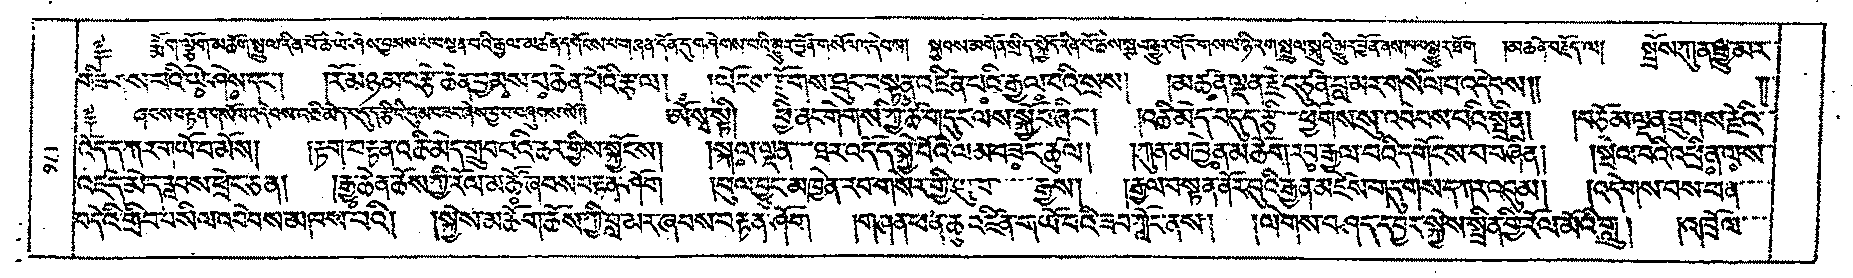༈ རྨོག་ལྕོག་མཆོག་སྤྲུལ་རིན་པོ་ཆེ་ཡེ་ཤེས་བྱམས་པ་བསྟན་པའི་རྒྱལ་མཚན་དགོངས་པ་གཞན་དོན་དུ་གཤེགས་པའི་མྱུར་བྱོན་གསོལ་འདེབས། སྐྱབས་མགོན་སྲིད་སྐྱོང་རིན་པོ་ཆེས་སྩལ་རྒྱུར་གོང་གསལ་ཉི་རག་སྤྲུལ་སྐུའི་མྱུར་བྱོན་ནས་ཁ་བསྒྱུར་ཐོག །མཚན་བརྗོད་ལ། སྤྲོས་ཀུན་སྒྱུ་མར་
གཟིགས་པའི་ཡེ྾་ཤེས྾་དང་། །རོ་མཉམ་བརྩེ་ཆེན་བྱམས྾་པ྾་ཆེན་པོའི་རྩལ། །ཡོངས་རྫོགས་ཐུབ་བསྟན་འཛིན་པའི྾་རྒྱལ྾་བའི་སྲས། །མཚན྾་ལྡན་རྗེ་བཙུན་བླ་མར་གསོལ་བ་འདེབས།། །།
༈ ཞབས་བརྟན་གསོལ་འདེབས་འཆི་མེད་བདུད་རྩིའི་བུམ་བཟང་ཞེས་བྱ་བ་བཞུགས་སོ།  །ཨོཾ་སྭ་སྟི། ཕྱི་ནང་གེགས་ཀྱི་ཚ་གདུང་ལས་སྐྱོབ་ཞིང་། །འཆི་མེད་བདུད་རྩི་ཕྱོགས་སུ་འབེབས་པའི་སྤྲིན། །བཅོམ་ལྡན་ཐུགས་རྗེའི་
འོད་དཀར་གཡོ་བ་མོས། །རྟག་བརྟན་འཆི་མེད་གྲུབ་པའི་ཆར་གྱིས་སྐྱོངས། །སྐལ྾་ལྡན་ཐར་འདོད་སྐྱེ་བོའི་ལམ་བཟང྾་ཚུལ། །ཀུན་མཁྱེན྾་མཆོག་རབ྾་རྒྱལ་བའི་དགོངས་པ་བཞིན། །སྤེལ་བའི་འཕྲིན྾་ལས྾་
འཛད་མེད་རླབས་ཕྲེང་ཅན། །རྒྱ྾་ཆེན་ཆོས་ཀྱི་རོལ་མཚོ྾་ཞབས་བརྟན་ཤོག །ཕུལ་བྱུང་མཁྱེན་རབ་གསེར་གྱི་ཡུབ་རྒྱས། །རྒྱལ་བསྟན་ནོར་བུའི་རྒྱན་མཛེས་གདུགས་དཀར་འབུམ། །འདེགས་པས་ཕན་
བདེའི་གྲིབ་བསིལ་འབེབས་མཁས་པའི། །སྐྱེས་མཆོག་ཆོས་ཀྱི་བླ་མར་ཞབས་བརྟན་ཤོག །གཞན་ཕན་ཆུ་འཛིན་གཡོ་བའི་ཟབ་ཀློང་ནས། །ལེགས་བཤད་དབྱར་སྐྱེས་སྤྲིན་གྱི་རོལ་མོའི་གླུ། །འཁྲོལ་